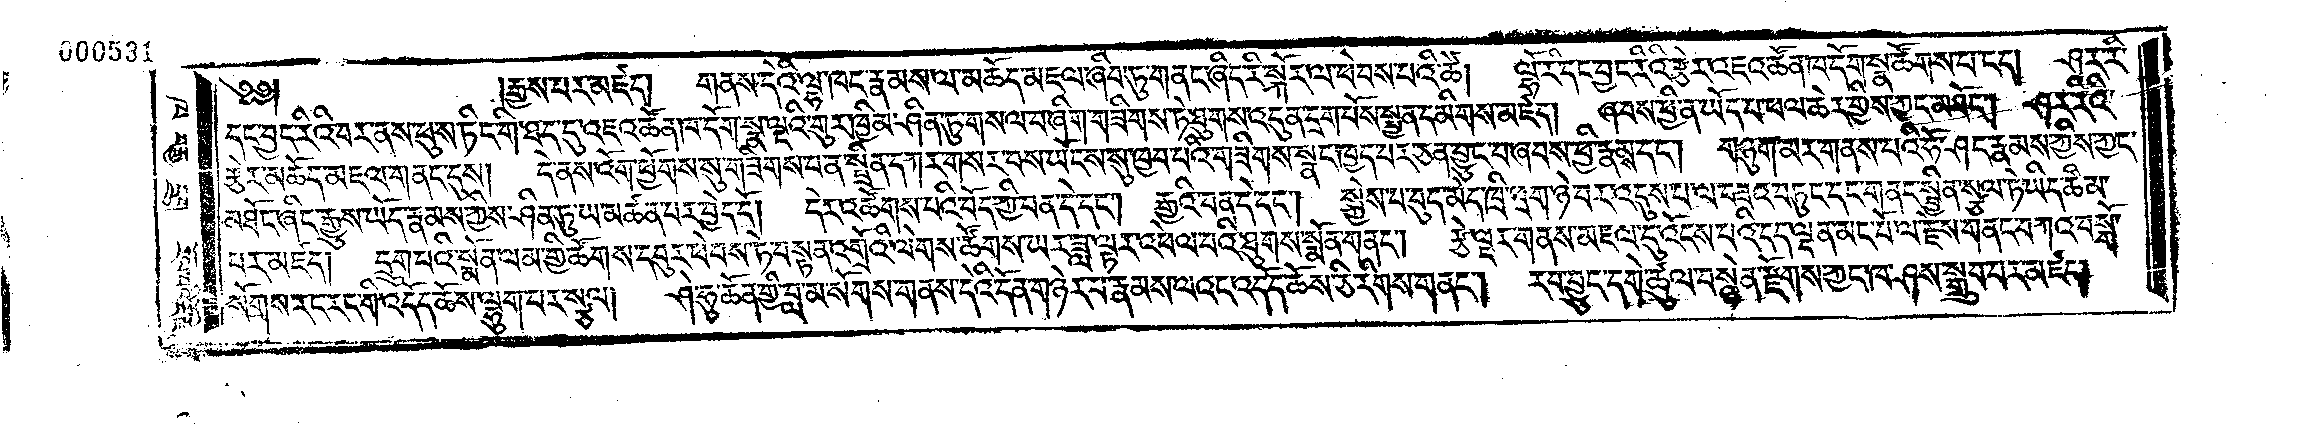༄༅། །རྒྱས་པར་མཛད། གནས་དེའི་ལྷ་ཁང་རྣམས་ལ་མཆོད་མཇལ་ཞིབ་ཏུ་གནང་ཞིང་རི་སྐོར་ལ་ཕེབས་པའི་ཚེ། ལྷོ་རི་དང་བྱང་རིའི་རྩེར་འཇའ་ཚོན་ཁ་དོག་སྣ་ཚོགས་པ་ངད། ཤར་རི་
དང་བྱང་རིའི་བར་ནས་ཕུས་ཏིང་གི་ཐད་དུ་འཇའ་ཚོན་ཁ་དོག་སྣ་ལྔའི་གུར་ཁྱིམ་ཤིན་ཏུ་གསལ་བ་ཞིག་གཟིགས་ཏེ་ཐུགས་འདུན་དྲག་པོས་སྤྱན་དམིགས་མཛད། ཞབས་ཕྱི་ན་ཡོད་པ་ཕལ་ཆེར་གྱིས་ཀྱང་མཐོང་། ཤར་རིའི་
རྩེར་མཆོད་མཇལ་གནང་དུས། དེ་ནས་འོག་ཕྱོགས་སུ་གཟིགས་པ་ན་སྤྲིན་དཀར་གསར་བས་ཡོངས་སུ་ཁྱབ་པའི་གཟིགས་སྣང་ཁྱད་པར་ཅན་བྱུང་བ་ཞབས་ཕྱི་རྣམས་དང་། གཉུག་མར་གནས་པའི་ཧོར་ཤད་རྣམས་ཀྱིས་ཀྱང་
མཐོང་ཞིང་རྒྱུས་ཡོད་རྣམས་ཀྱིས་ཤིན་ཏུ་ཡ་མཚན་པར་བྱེད་དོ། དེར་འཚོགས་པའི་བོད་ཀྱི་བན་དེ་དང་། རྒྱའི་བན་དེ་དང་། སྐྱེས་པ་བུད་མེད་ཁྲི་ཕྲག་ཉེ་བར་འདུས་པ་ལ་བཟའ་བཏུང་དང་གནང་སྦྱིན་སྩལ་ཏེ་ཡིད་ཚིམ་
པར་མཛད། དྲུག་པའི་སྨོན་ལམ་གྱི་ཚོགས་དབུར་ཕེབས་ཏེ་བསྟན་འགྲོའི་ལེགས་ཚོགས་ཡར་ཟླ་ལྟར་འཕེལ་བའི་ཐུགས་སྨོན་གནང་། རྩེ་ལྔར་གནས་མཇལ་དུ་འོངས་པའི་དད་ལྡན་མང་པོ་ལ་རྗེས་གནང་བཀའ་བསྒོ་
སོགས་རང་རང་གི་འདོད་ཆོས་ལྷུག་པར་སྩལ། ཤེ་ཧུ་ཆོན་གྱི་བླ་མ་སོགས་གནས་དེའི་དོན་གཉེར་བ་རྣམས་ལའང་འདོད་ཆོས་ཅི་རིགས་གནང་། རབ་བྱུང་དགེ་ཚུལ་བསྙེན་རྫོགས་ཀྱང་ཁ་ཤས་སྒྲུབ་བར་མཛད།